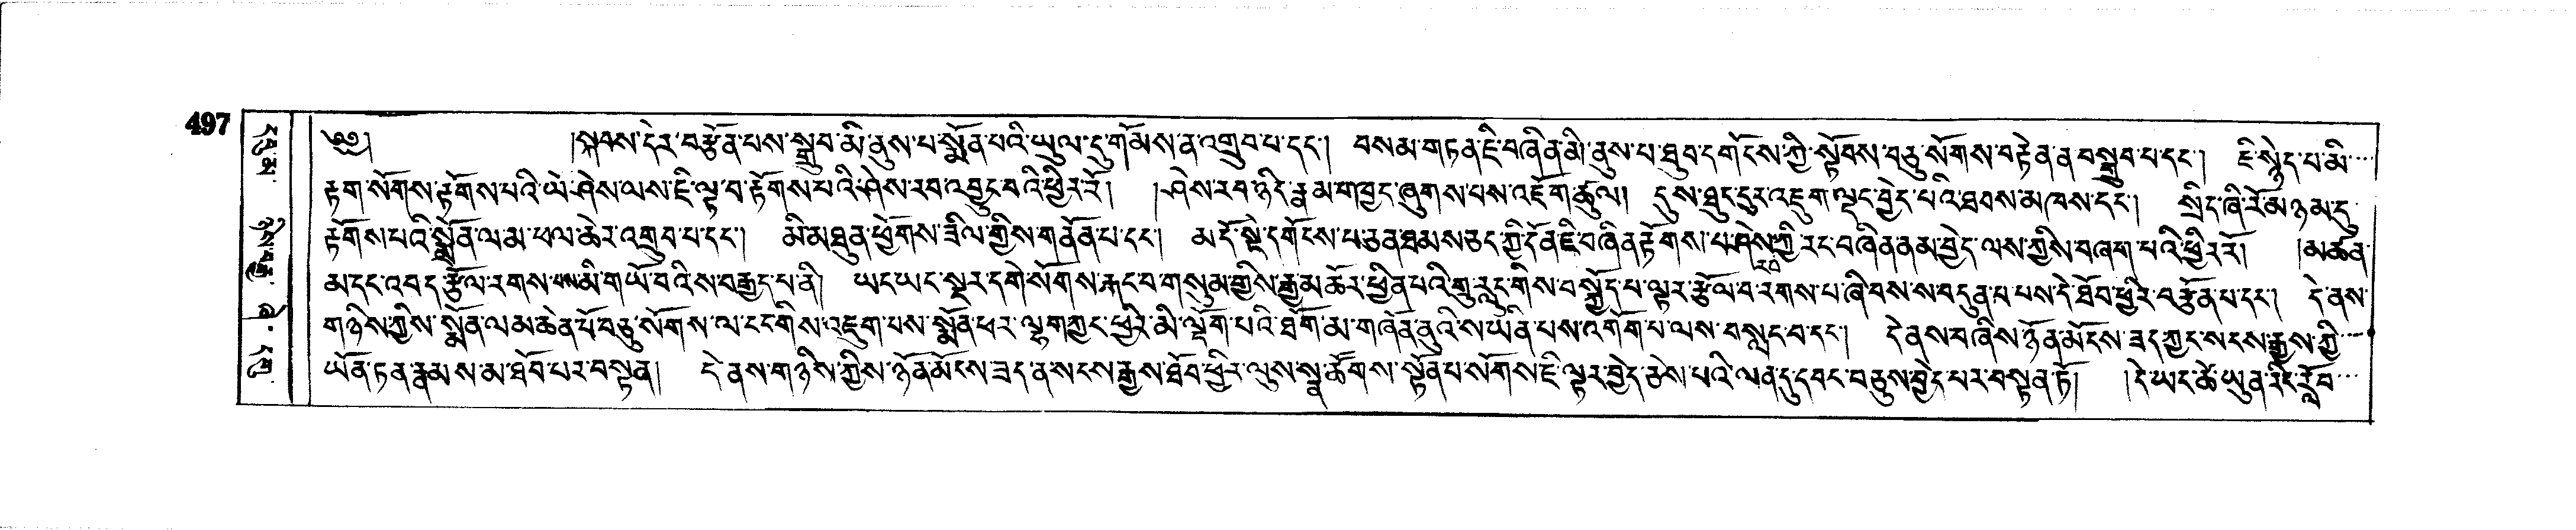༄༅། །སྐབས་དེར་བརྩོན་པས་སྒྲུབ་མི་ནུས་པ་སྨོན་པའི་ཡུལ་དུ་གོམས་ན་འགྲུབ་པ་དང་། བསམ་གཏན་ཇི་བཞིན་མི་ནུས་པ་ཐུབ་དགོངས་ཀྱི་སྟོབས་བཅུ་སོགས་བརྟེན་ན་བསྒྲུབ་པ་དང་། ཇི་སྙེད་པ་མི་
རྟག་སོགས་རྟོགས་པའི་ཡེ་ཤེས་ལས་ཇི་ལྟ་བ་རྟོགས་པའི་ཤེས་རབ་འབྱུང་བའི་ཕྱིར་རོ། །ཤེས་རབ་ཉིད་རྣམ་པ་ཁྱད་ཞུགས་པས་འཇོག་ཚུལ། དུས་ཐུང་དུར་འཇུག་ལྡང་བྱེད་པའི་ཐབས་མཁས་དང་། སྲིད་ཞི་རོ་མཉམ་དུ་
རྟོགས་པའི་སྨྲོན་ལམ་ཕལ་ཆེར་འགྲུབ་པ་དང་། མི་མཐུན་ཕྱོགས་ཟིལ་གྱིས་གནོན་པ་དང་། མདོ་སྡེ་དགོངས་པ་ཅན་ཐམས་ཅད་ཀྱི་དོན་ཇི་བཞིན་རྟོགས་པ་ཤེས་རབ་ཀྱི་རང་བཞིན་ནམ་བྱེད་ལས་ཀྱིས་བཞག་པའི་ཕྱིར་རོ། །མཚན་
མ་དང་འབད་རྩོལ་རགས་པས་མི་གཡོ་བའི་ས་བརྒྱད་པ་ནི། ཡང་ཡང་སྔར་དགེ་སོགས་རྐང་བ་གསུམ་གྱིས་རྒྱ་མཆོར་ཕྱིན་པའི་གྲུ་རླུང་གིས་བསྐྱོད་པ་ལྟར་རྩོལ་བ་རགས་པ་ཞི་བས་ས་བདུན་པ་པས་དེ་ཐོབ་ཕྱིར་བརྩོན་པ་དང་། དེ་ནས་
གཉིས་ཀྱིས་སྨོན་ལམ་ཆེན་པོ་བཅུ་སོགས་ལ་ངང་གིས་འཇུག་པས་སྨོན་ཕར་ལྷག་ཀྱང་ཕྱིར་མི་ལྡོག་པའི་ཐོག་མ་གཞོན་ནུའི་ས་ཡིན་པས་འགོག་པ་ལས་བསླང་བ་དང་། དེ་ནས་བཞིས་ཉོན་མོངས་ཟད་ཀྱང་སངས་རྒྱས་ཀྱི་
ཡོན་ཏན་རྣམས་མ་ཐོབ་པར་བསྟན། དེ་ནས་གཉིས་ཀྱིས་ཉོན་མོངས་ཟད་ན་སངས་རྒྱས་ཐོབ་ཕྱིར་ལུས་སྣ་ཚོགས་སྟོན་པ་སོགས་ཇི་ལྟར་བྱེད་ཅེས་པའི་ལན་དུ་དབང་བཅུས་བྱེད་པར་བསྟན་ཏོ། །དེ་ཡང་ཚེ་ཡུན་རིང་རློབ་